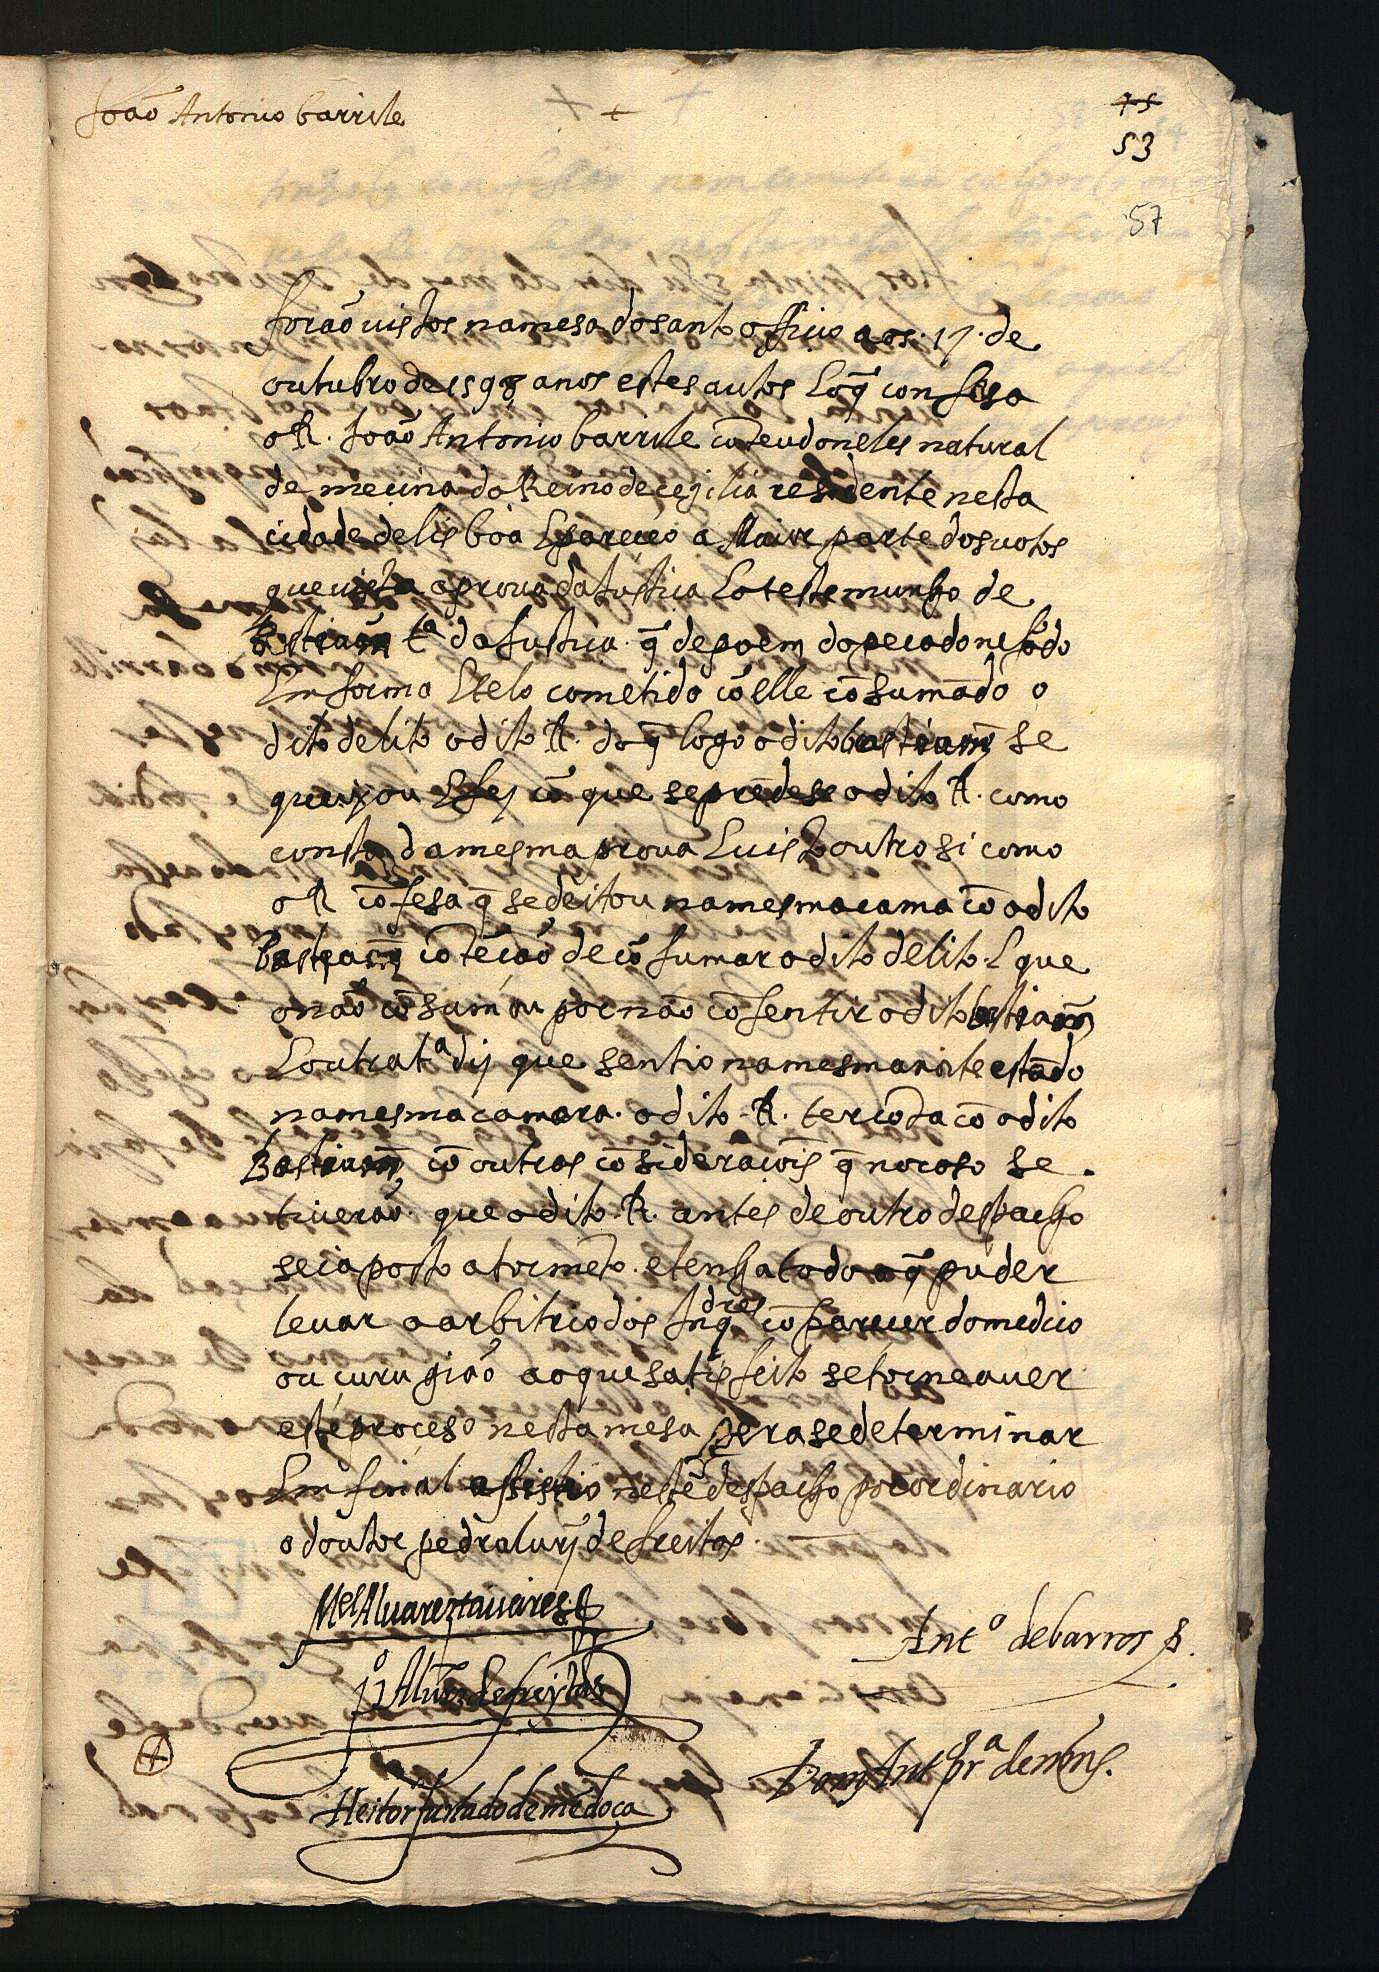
Joaõ Antonio barrile
foraõ uistos na mesa do santo officio aos .17. de
outubro de 1598 anos estes autos E o q̄ confesa
o R. Joaõ Antonio barrile cōteudo neles natural
de meçina do Reino de çejilia residente nesta
cidade de lisboa E pareçeo a Maior parte dos uotos
que uista a proua da Justica ho testemunho de
B_stiam ta da Justica q̄ depoem do pecado nefādo
Em forma E telo cometido cō elle cōsumādo o
dito delito o dito R. do q̄ logo o dito bastiam se
queixou E fes cō que se prēdese o dito R. como
consta da mesma proua E uisto outrosi como
o R cōfesa q̄ se deitou na mesma cama cō o dito
Bastiam cō tēçaõ de cōsumar o dito delito. E que
o naõ cōsumou por não cōsentir o dito bastiam
E outra ta dis que sentio na mesma noite estādo
na mesma camara. o dito .R. ter cōta cō o dito
Bastiam, cō outras cōsideraçõis q̄ no caso se
tiueraõ que o dito .R. antes de outro despacho
seia posto a tormēto. e tenha todo o q̄ puder
leuar o arbitrio dos Jnqdres cō pareçer do medico
ou çurugiaõ ao que satisfeito se torne a uer
este proçeso nesta mesa pera se determinar
Em final assistio neste despacho por ordinario
o doutor pedralurs̄ de freitas.
